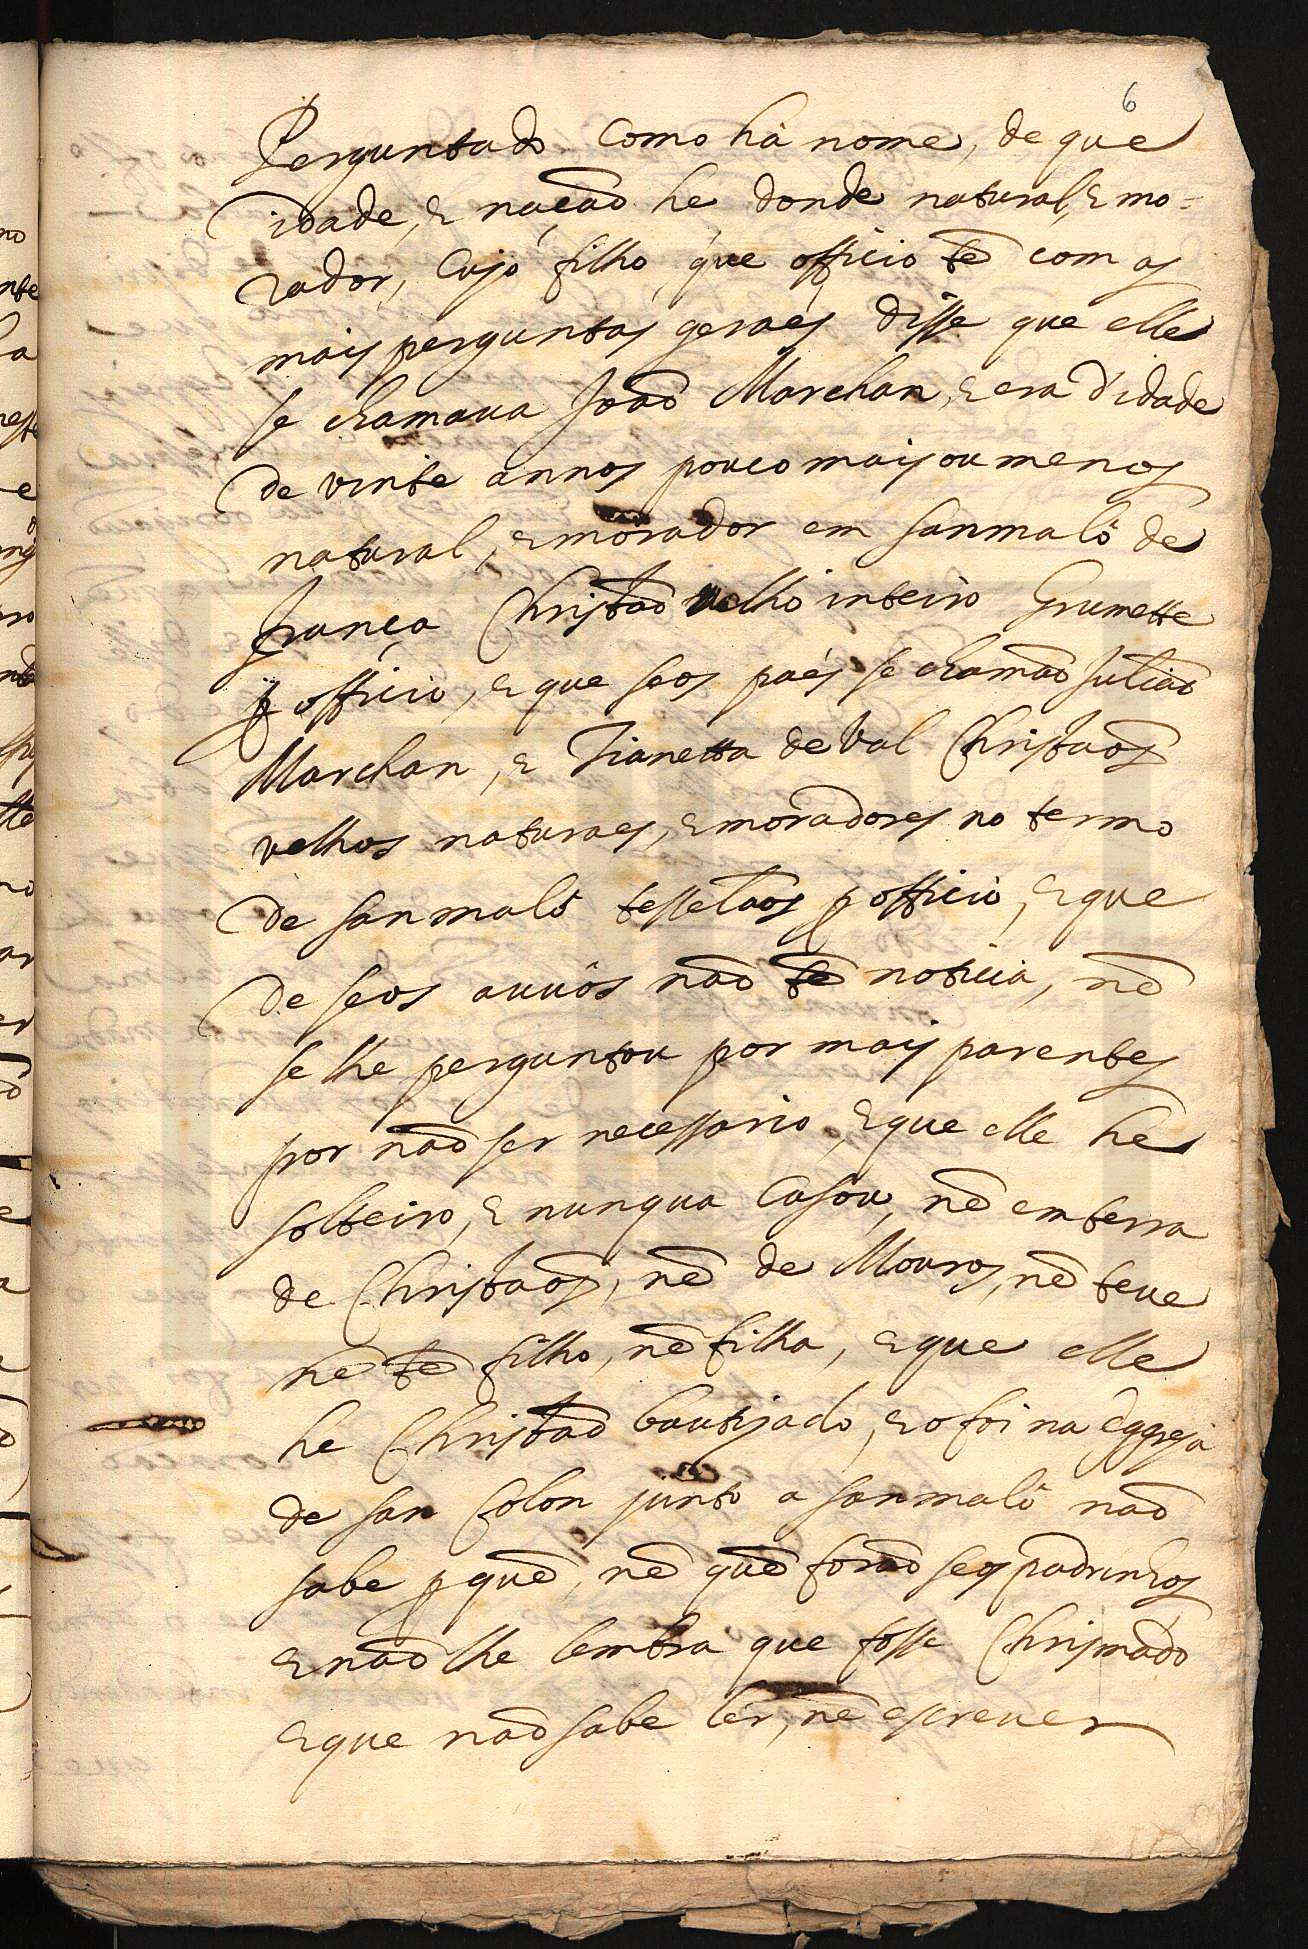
Perguntado como ha nome, de que
idade, e nação he donde natural, E mo
rador, cujo filho que officio tē com as
mais perguntas geraes disse que elle
se chamaua João Marchan, E era d'idade
de vinte annos pouco mais ou menos
natural, e morador em san Maló de
frança Christão velho inteiro Grumette
ꝑ officio, E que seos paes se chamão Juliaõ
Marchan, E Jianetta de val Christaõs
velhos naturaes, E moradores no termo
de san maló tesselãos ꝑ officio, E que
de seos auuós não tē noticia, nē
se lhe perguntou por mais parentes
por não ser necessario, E que elle he
solteiro, E nunqua casou, nē em terra
de Christaõs, nē de Mouros, nē teue
neste filho, nē filha, E que elle
he Christão bautizado, E o foi na eggreja
de San Colon junto a San maló não
sabe o quē, nē quē forão seos padrinhos
E não lhe lembra que fosse Chrismado
E que naõ sabe ler nē escreuer
